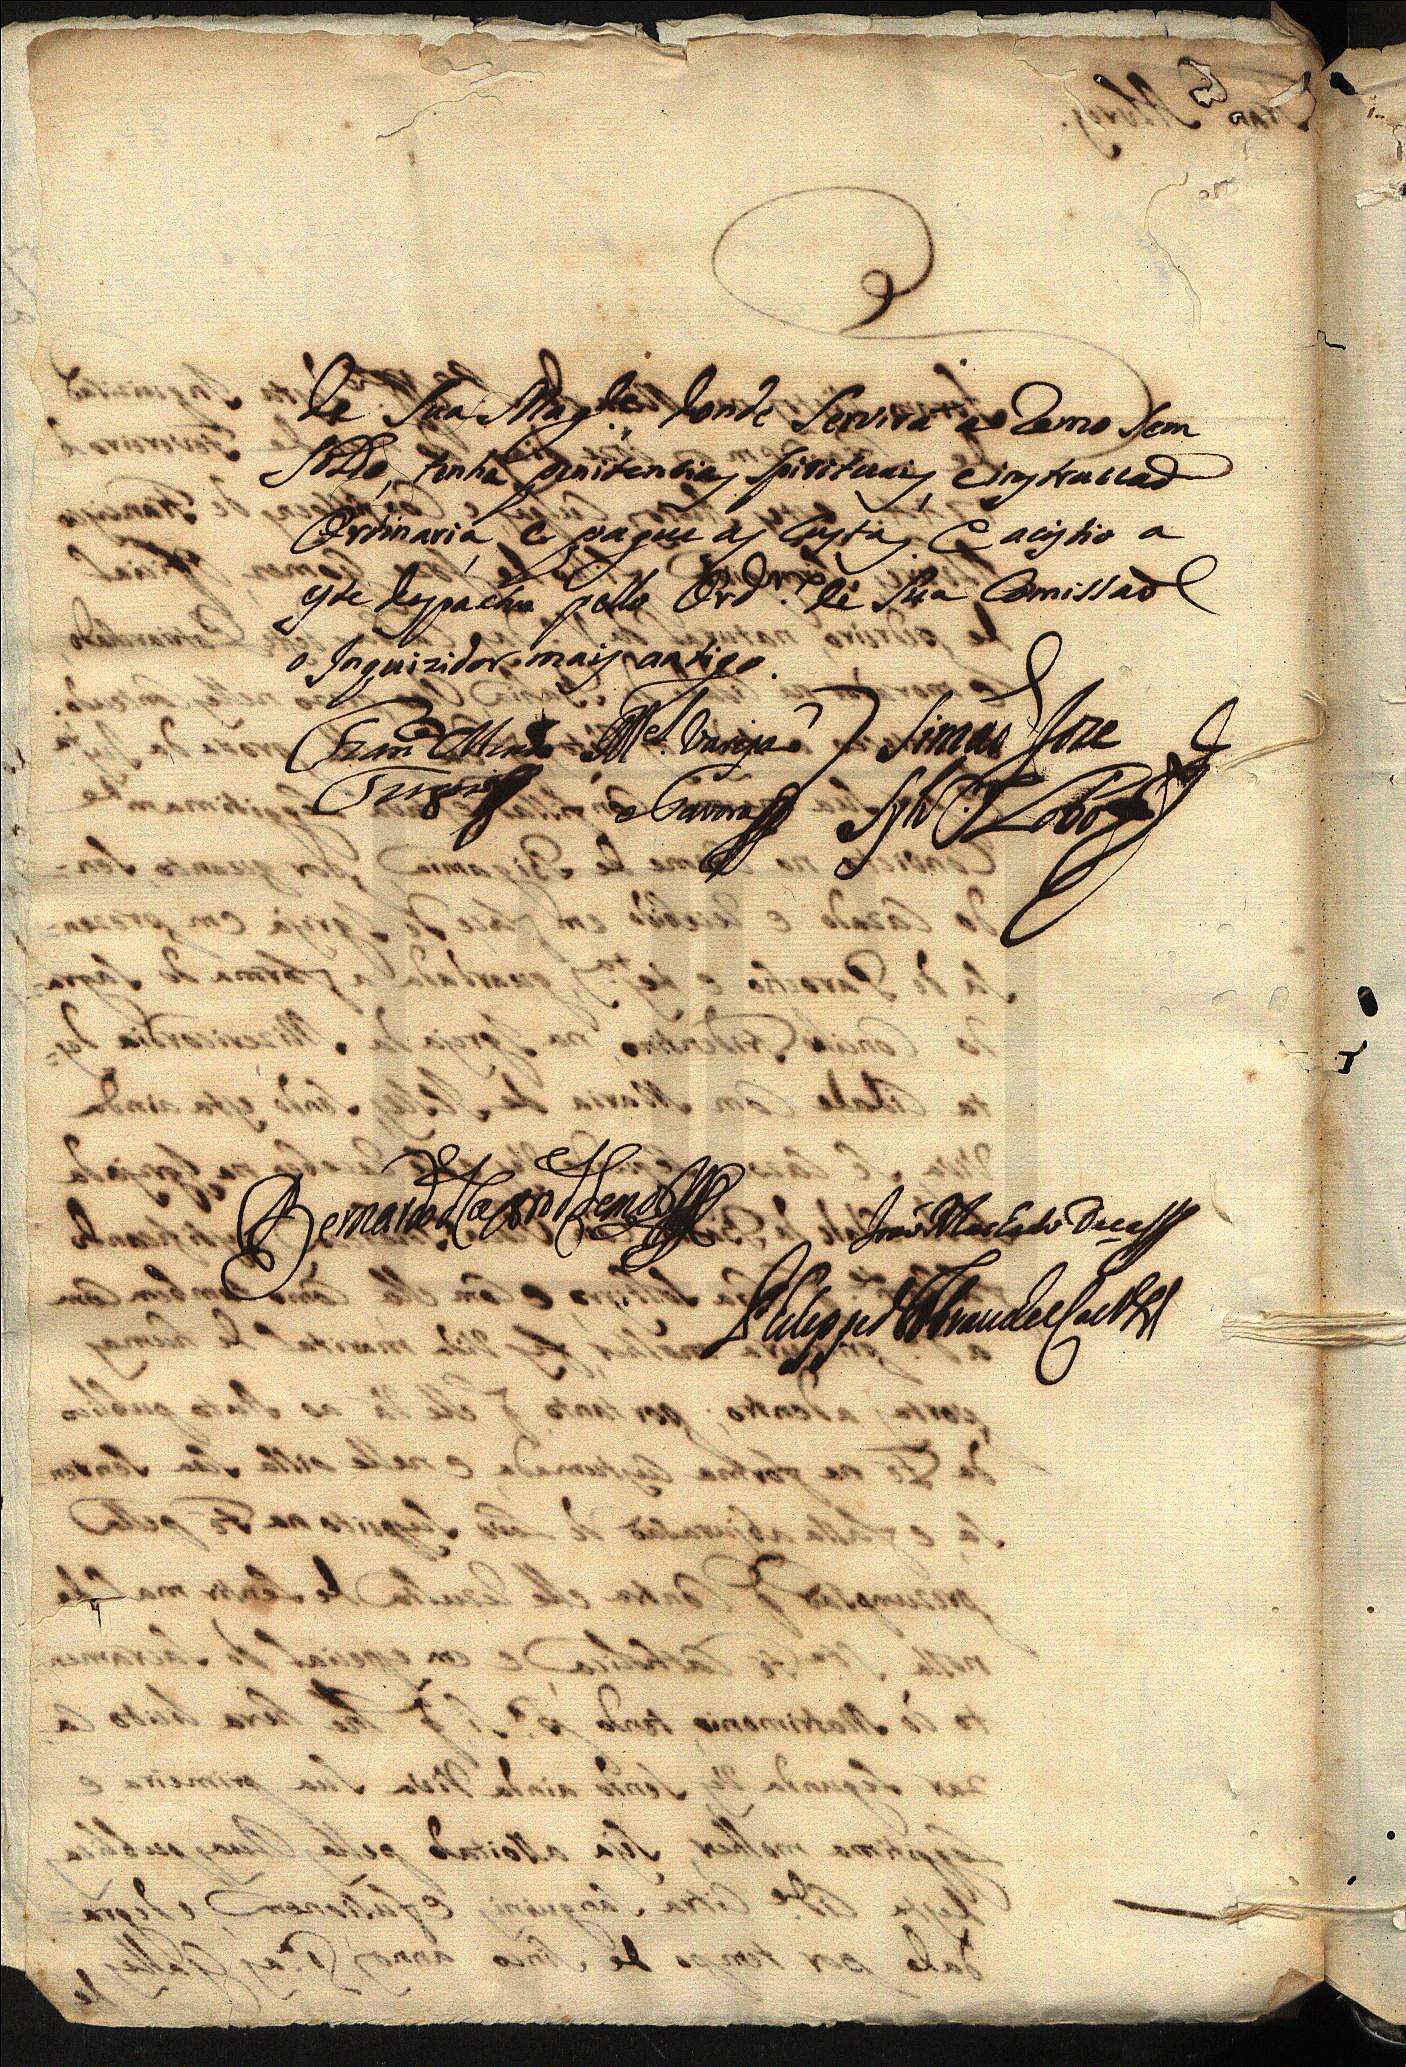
de sua Mag.de donde servirá a Remo sem
Soldo, tenha penitencias spirituais, e instruccaõ
Ordinaria, e pague as custas e asistio a
este despacho pello Ord.ro de sua Comissaõ
o Jnquizidor mais antigo.
